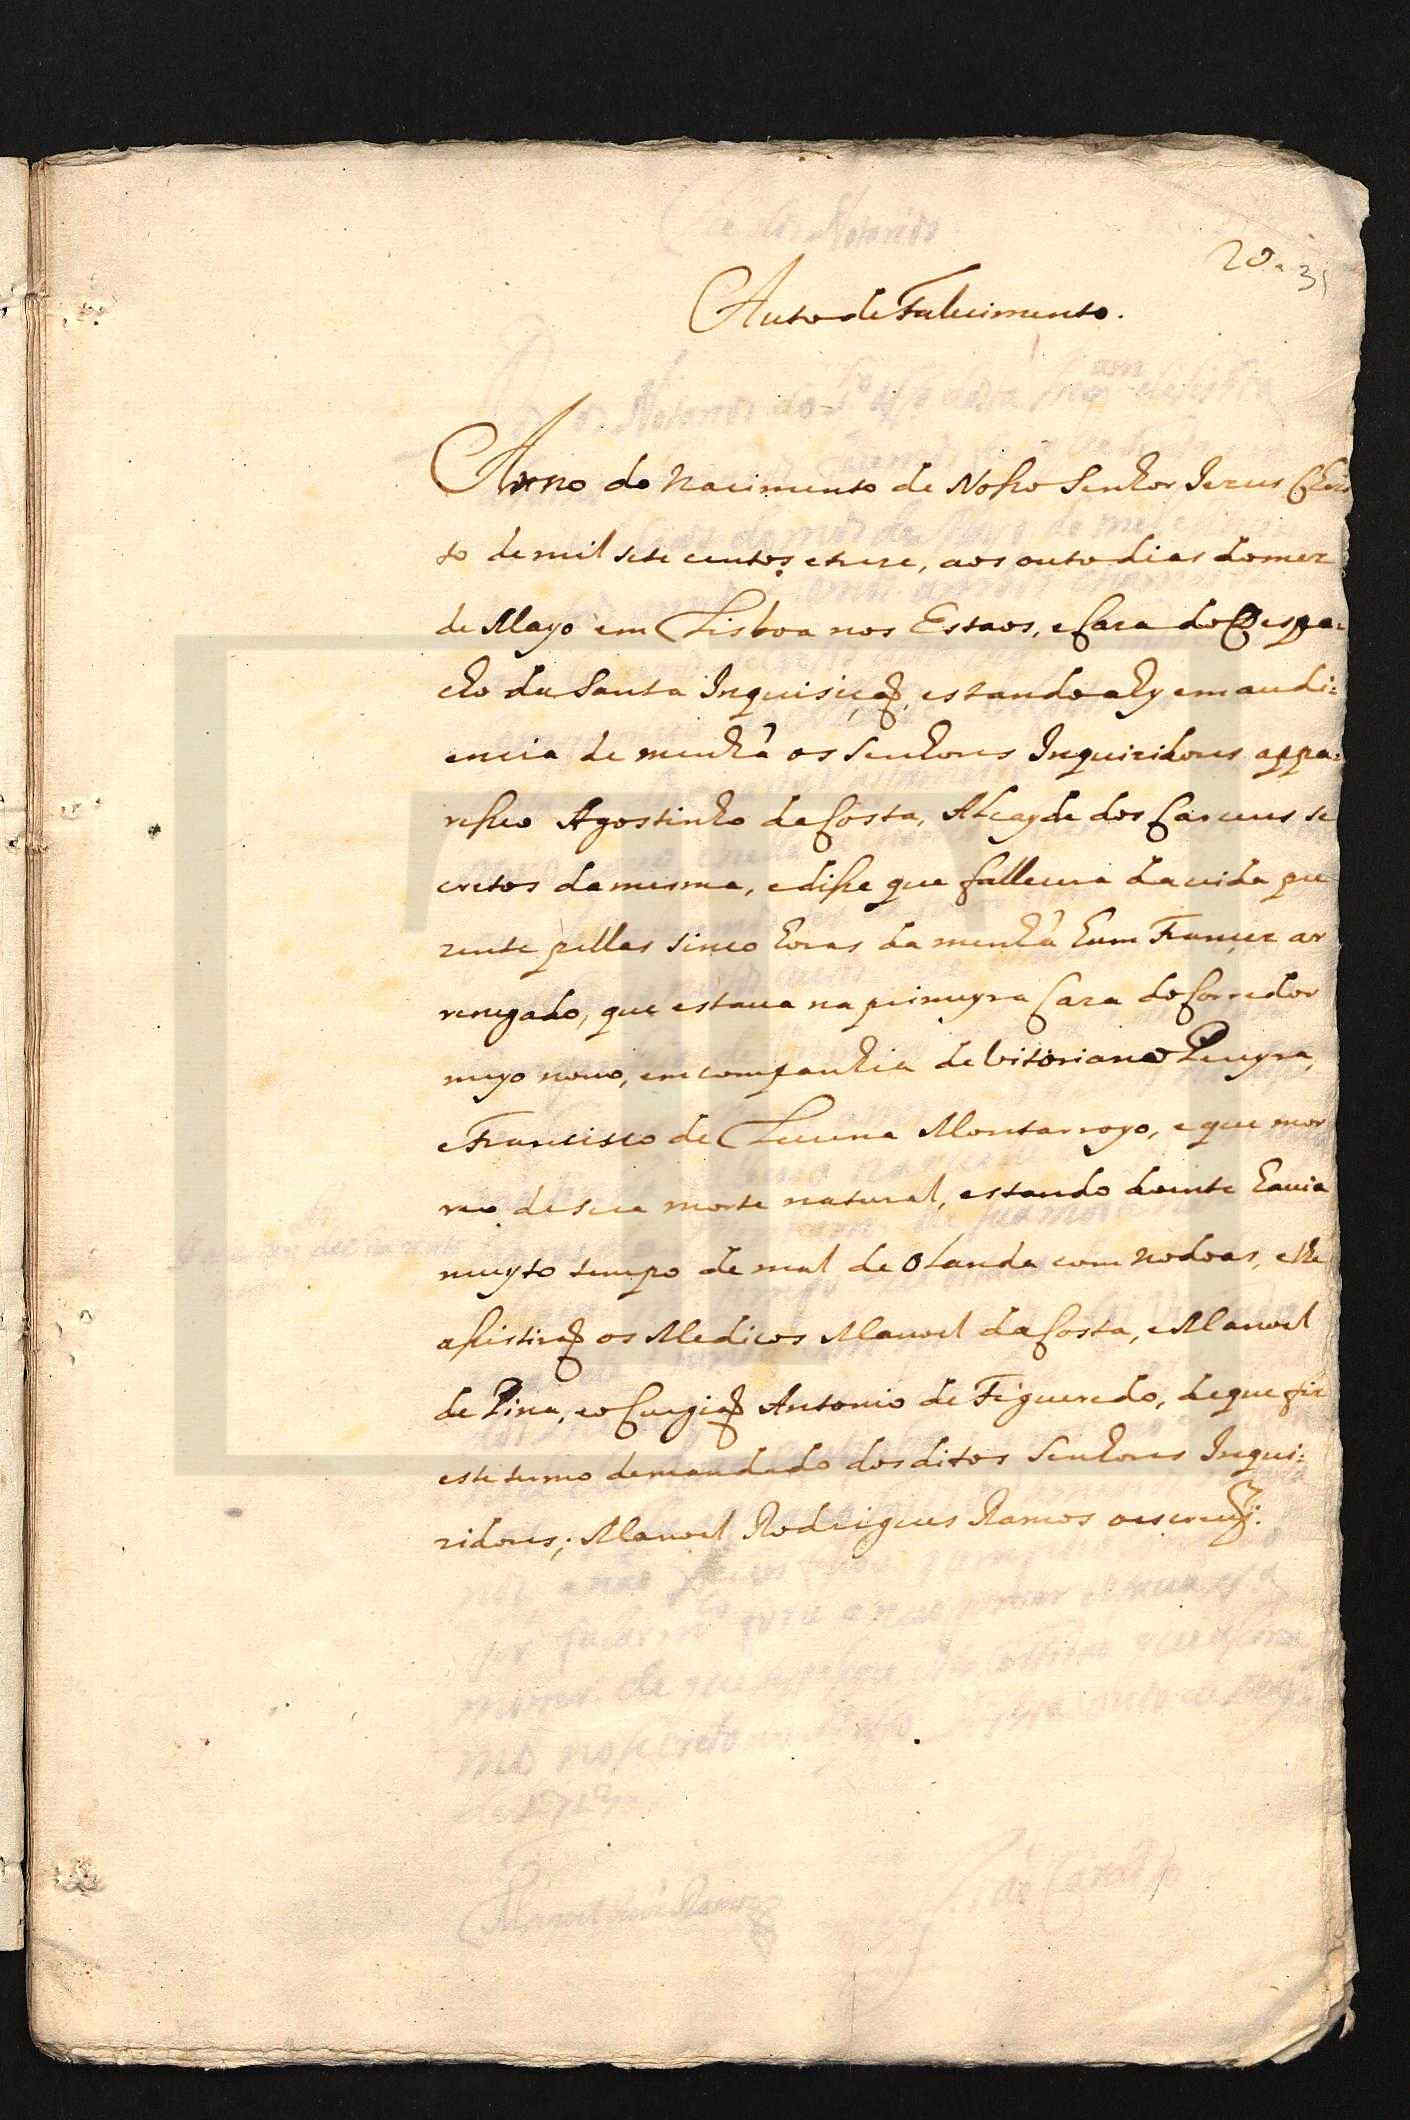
Auto de Falecimento.
Anno do nacimento de Nosso Senhor Iezus Chri
to de mil setecentos e treze, aos outo dias do mez
de Mayo em Lisboa nos Estaos, e Caza do Despa
cho da Santa Inquisiçaõ, estando ahy em audi
encia de menhã os senhores Inquizidores appa
resseo Agostinho da Costa, Alcayde dos Carceres se
cretos da mesma, e disse que fallecera da uida pre
zente pellas sinco horas da menhã hum Françez ar
renegado, que estaua na primeyra Caza do Corredor
meyo nouo, em companhia de Vitoriano Pereyra,
e Francisco de Lucena Montarroyo, e que mor
reo de sua morte natural, estando doente hauia
muyto tempo de mal de Olanda com nodoas, e lhe
assistiraõ os Medicos Manoel da Costa, e Manoel
de Pina, e o Curgiaõ Antonio de Figueredo, de que fiz
este termo de mandado dos ditos Senhores Inqui
zidores; Manoel Rodrigues Ramos o escreuj.
